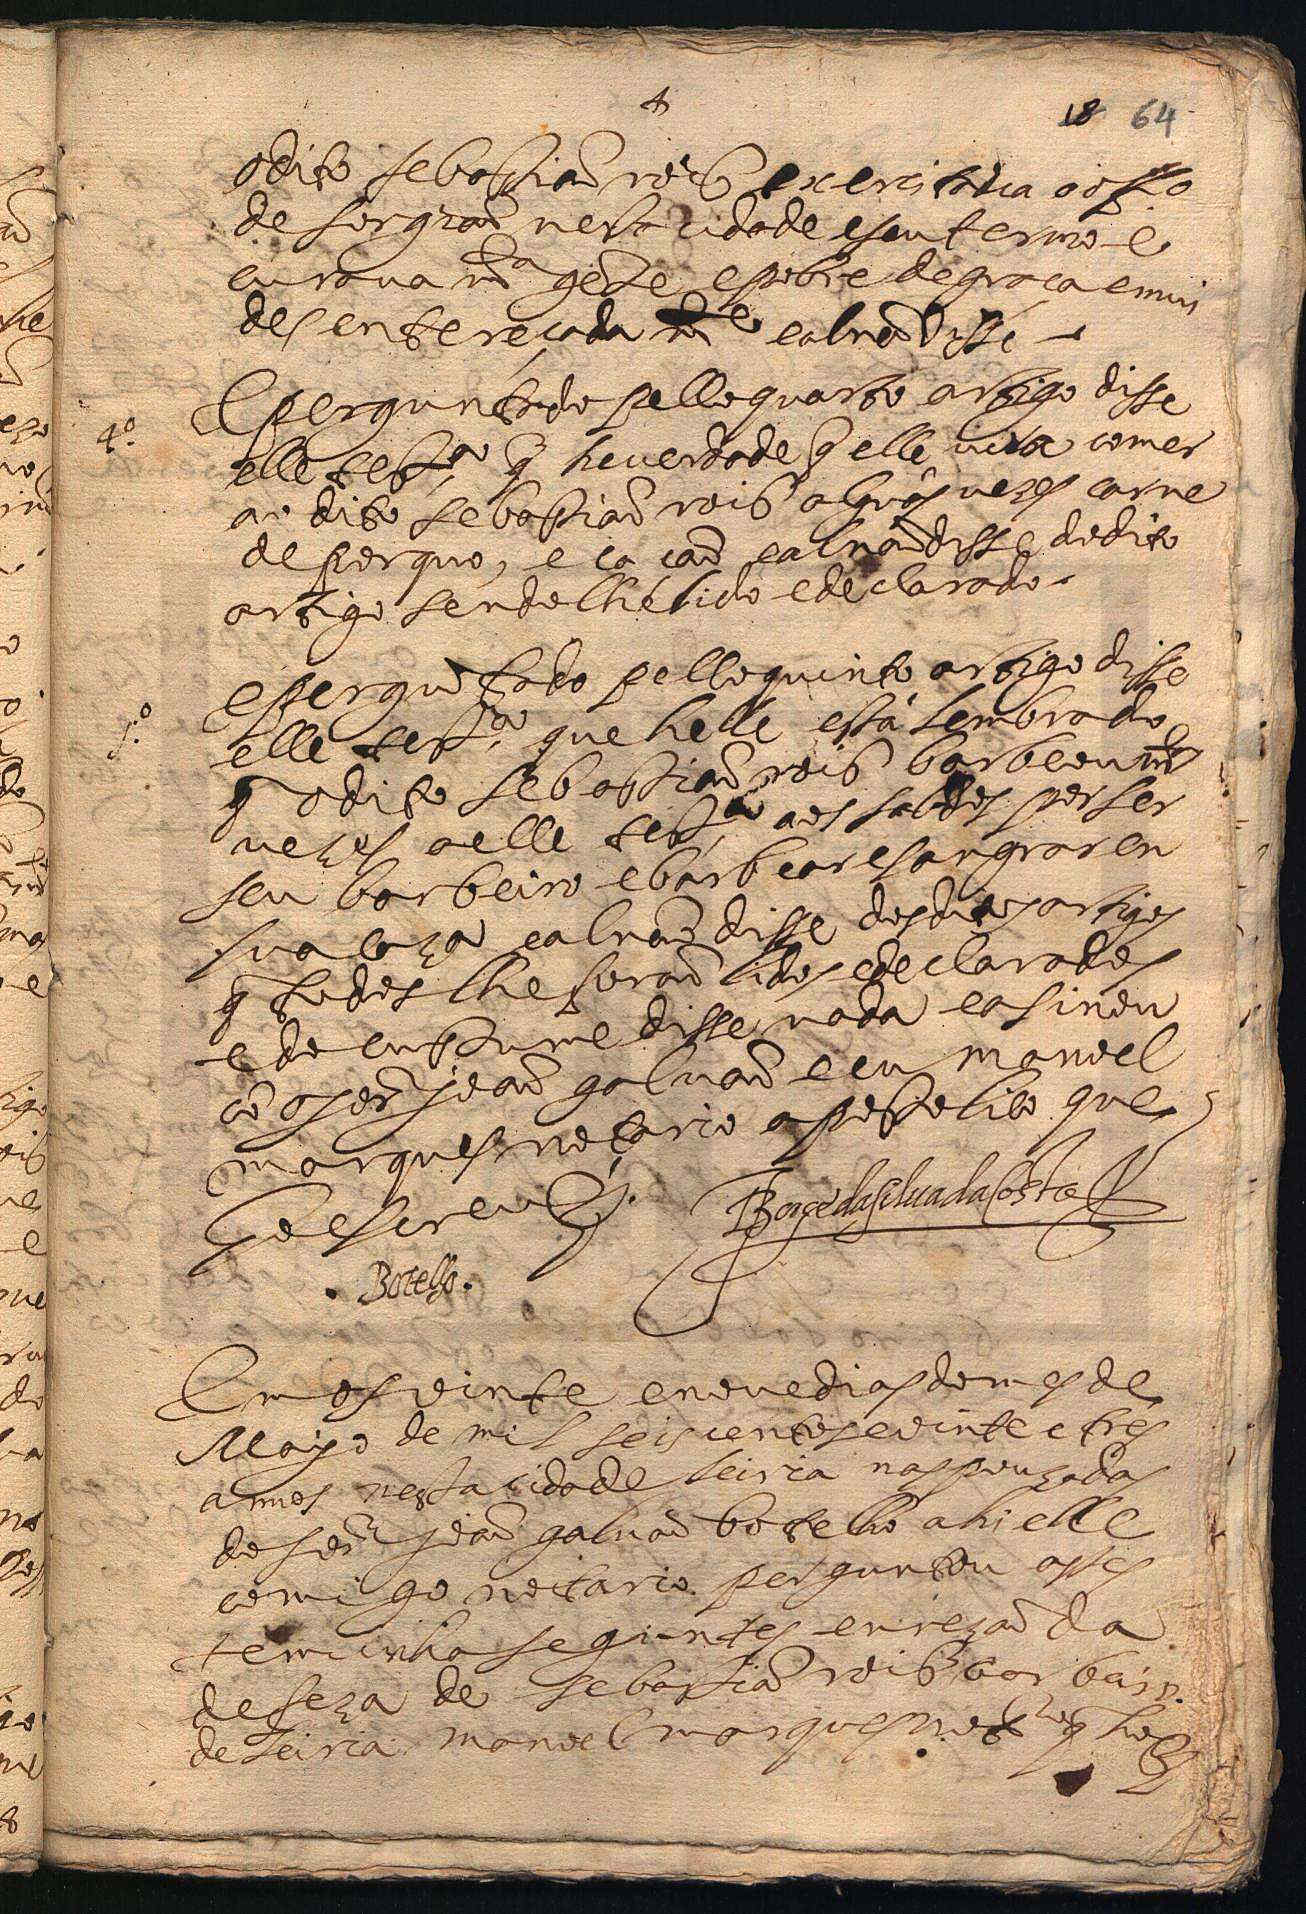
4.o
1.o
o dito sebastiaõ roiz̄ exercitaua o off.o
de sorgiaõ nesta cidade e seu termo e
curaua mta gēte e pobre de graça e mui
desentereçadamte e al nā dysse -
E perguntado pello quarto artigo disse
elle testa, q̄ he uerdade q̄ elle uira comer
ao dito sebastiaõ rois̄ alguās uezes carne
de porquo, e caçaõ e al naõ disse do dito
artigo sendolhe lido e declarado.
e pergūtado pello quinto artigo disse
elle testa, que helle está Lembrado
q̄ o dito sebastiaõ rois̄ barbeou mtas
uezes a elle testa, aos sabdos por ser
seu barbeiro e barbear e sangrar en
sua caza e al naõ disse dos ditos artigos
q̄ todos lhe foraõ lidos e declarados
e do custume disse nada e asinou
cō o sor̄ joaõ galuaõ e eu manoel
marques notario apostolico que
ho escreuj.
Em os vinte e noue dias do mes de
Mayo de mil seiscentos e vinte e tres
annos nesta cidade leiria nas pouzadas
do sor̄ joaõ galuaõ botelho ahi elle
comigo notario perguntou as tes
temunha segintes em rezaõ da
defeza de sebastiaõ rois̄ barbeiro
de Leiria manoel marques notro q̄ ho
